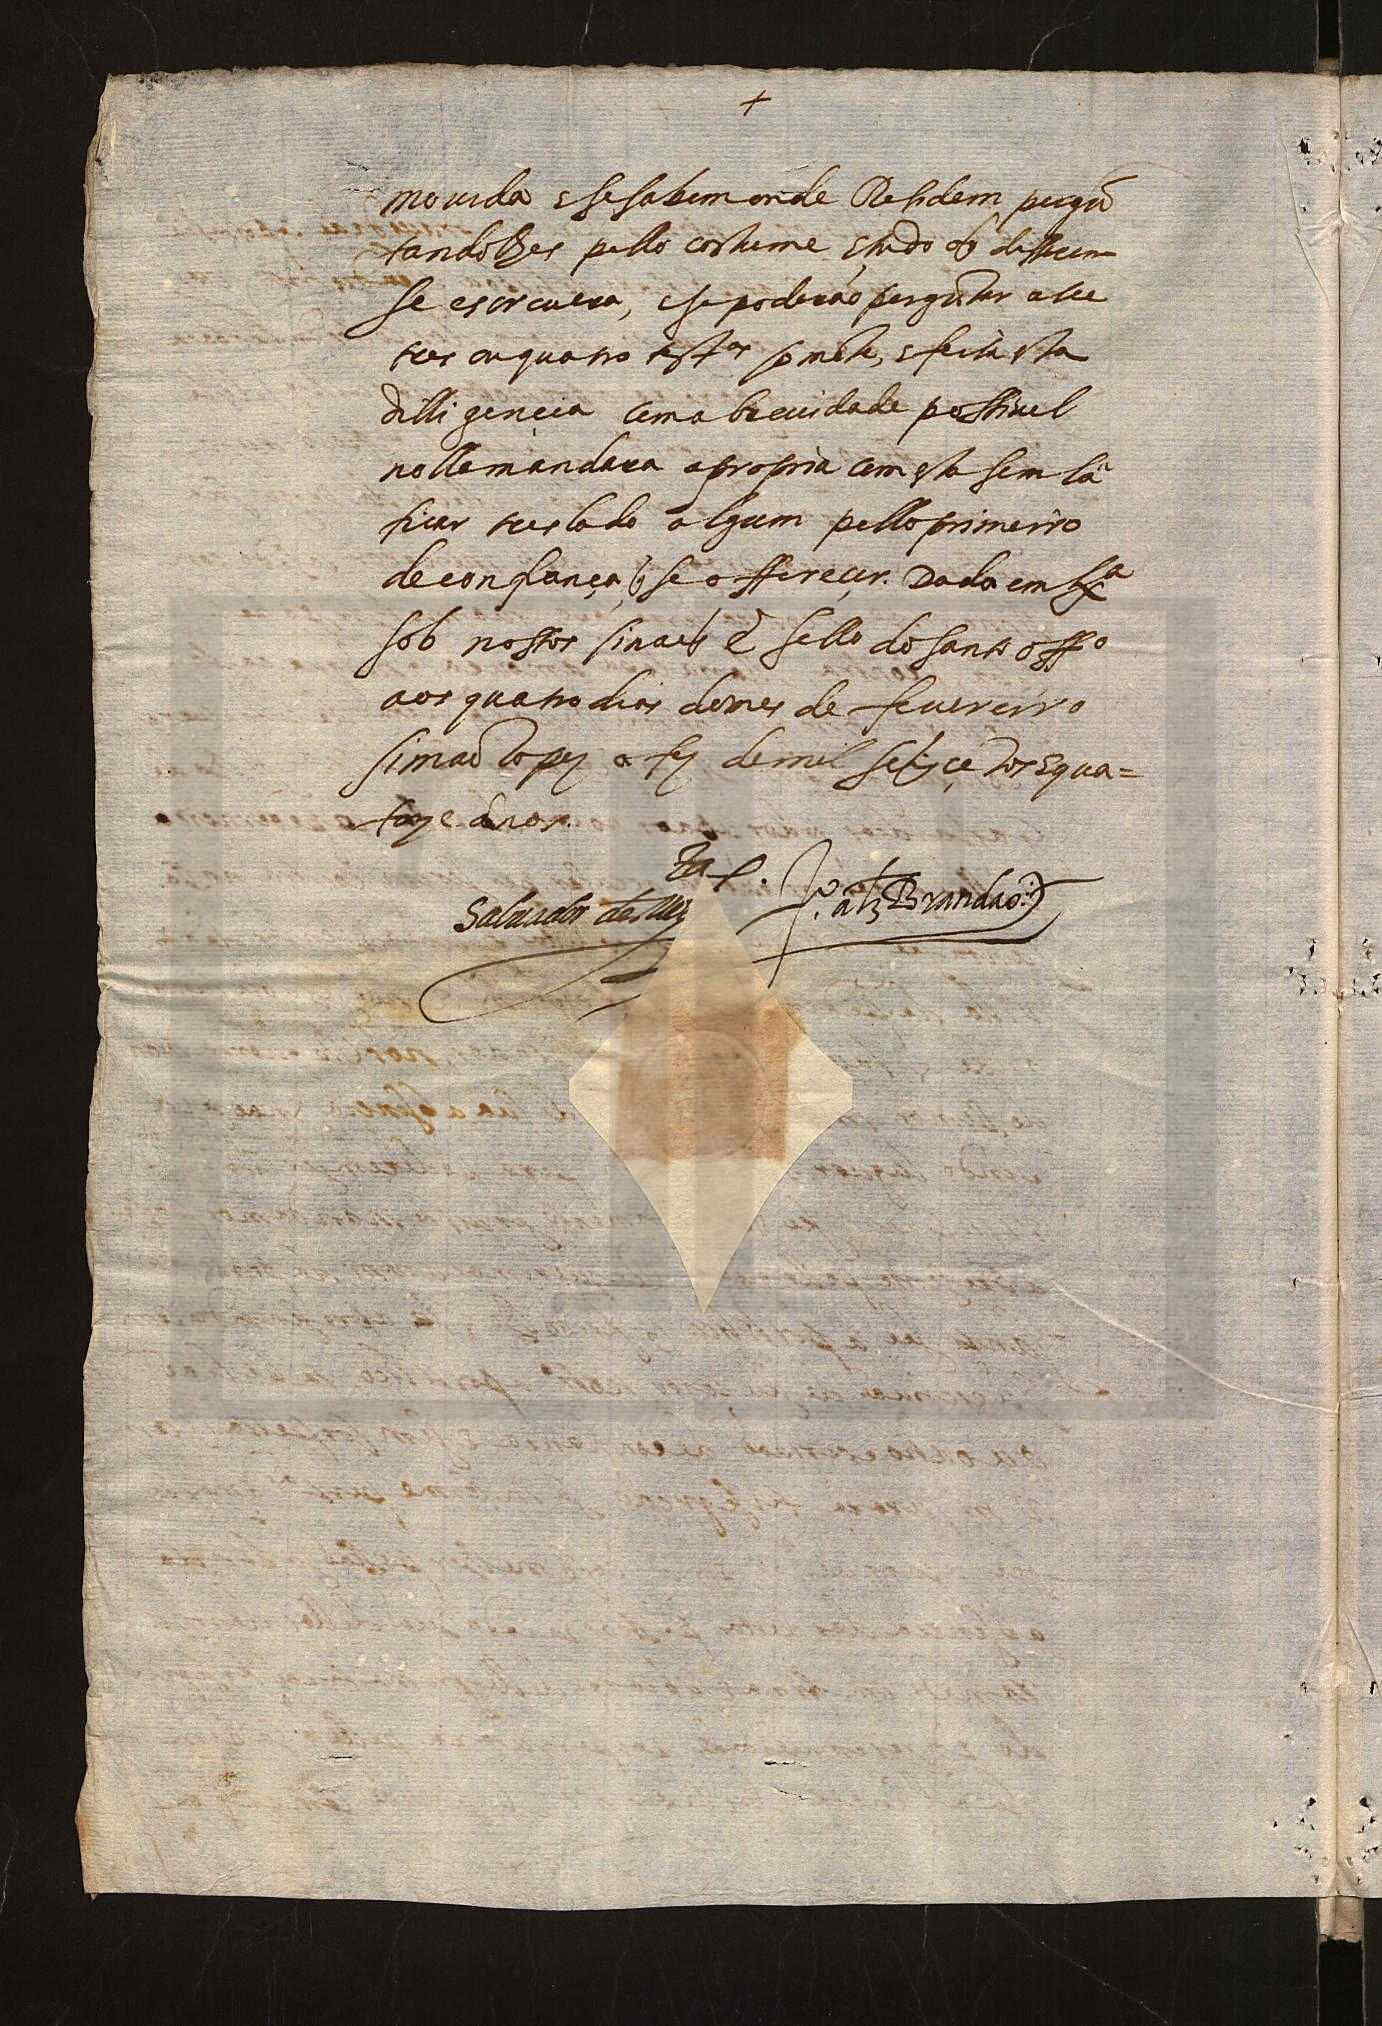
mouida E se sabem onde Residem pergū
tandolhes pello costume E tudo o q̄ disserem
se escreuera, E se poderaõ pergūtar atee
tres ou quatro testas somēte, E feita esta
dilligencia com a breuidade possiuel
no lla mandara a propria com esta sem la
ficar treslado algum pello primeiro
de confiança, q̄ se offerecer. Dada em Lxa
sob nossos sinaes e sello do santo offo
aos quatro dias do mes de feuereiro
Simaõ lopez a fez de mil seiscētos E qua
torze an̄os.
